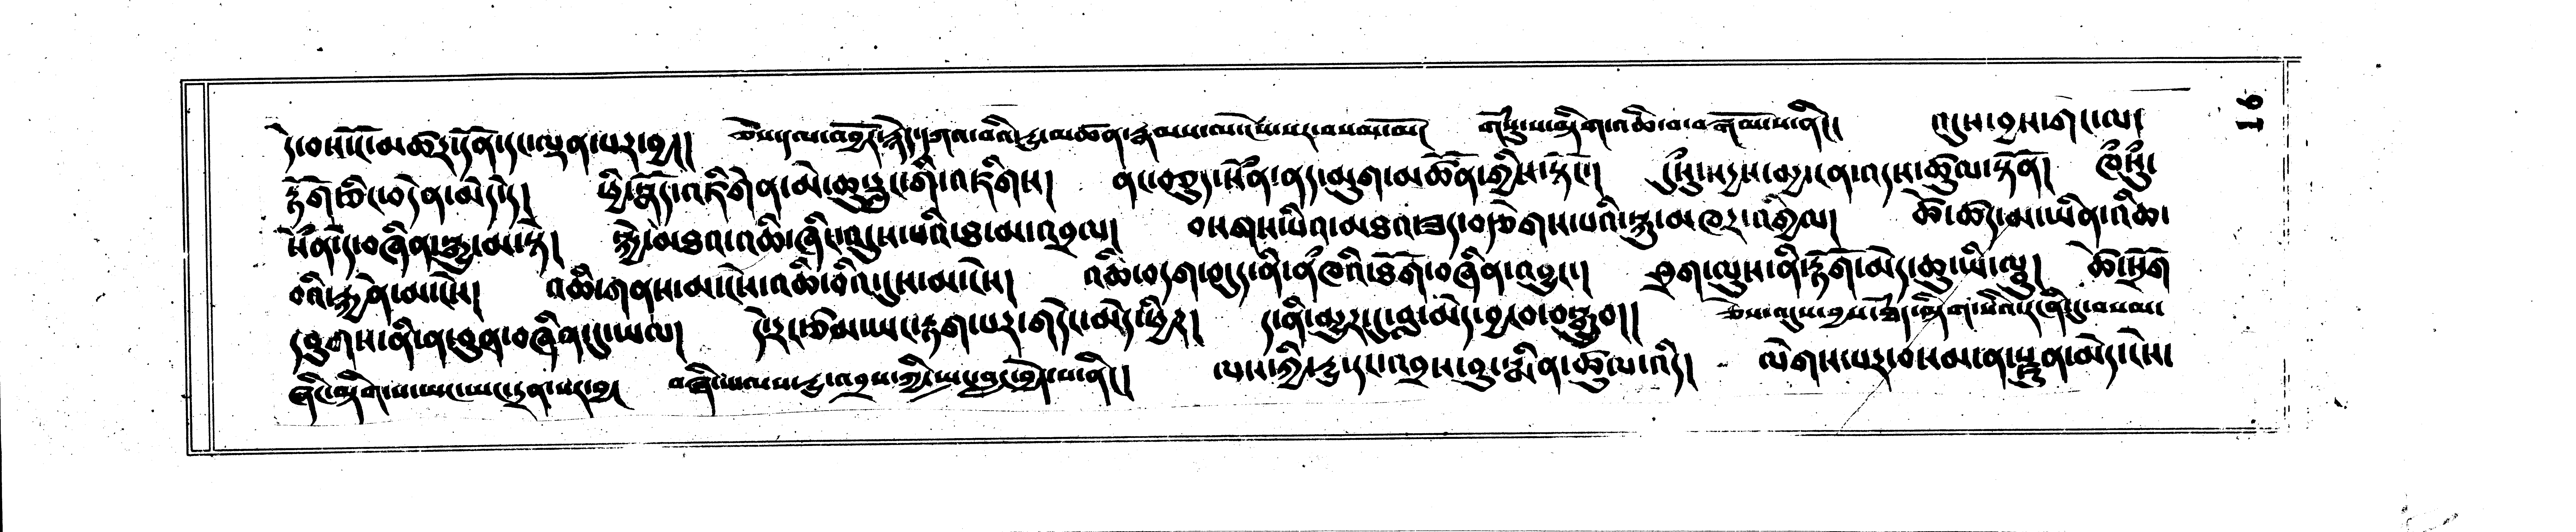དེ་བས་ངོ་མཚར་དོན་དང་ལྡན་པར་བྱ། །ཞེས་དལ་འབྱོར་རྙེད་དཀའ་བའི་རྒྱུ་མཚན་རྣམས་ལ་ངེས་པར་བསམ་མོ། །གསུམ་པ་མི་རྟག་འཆི་བ་བསྒོམ་པ་ནི། འདུས་བྱས་གང་ལ་
རྟོག་ཅིང་བདེན་མེད་དེ། །ཕྱི་སྣོད་འཇིག་རྟེན་མེ་ཆུ་རླུང་གིས་འཇིག །ནང་བཅུད་སེམས་ཅན་ནད་མུག་མཚོན་གྱིས་སྟོང་། །དུས་གསུམ་སངས་རྒྱས་མྱ་ངན་འདས་ཚུལ་སྟོན། །ཁམས་གསུམ་
སེམས་ཅན་དེ་བཞིན་སྒྱུ་མ་སྟེ། །སྐྱེ་མཐའ་འཆི་ཞིང་འདུས་པའི་མཐའ་མ་བྲལ། །བསགས་པའི་མཐའ་ཟད་བརྩེགས་པའི་སྐུ་མཁར་འགྱེལ། །ཚེ་ཚད་མ་ཡིན་འཆི་
བའི་རྐྱེན་མ་ངེས། །འཆི་གནས་མ་ངེས་འཆི་བའི་དུས་མ་ངེས། །འཆི་བདག་བདུད་ནི་ནམ་མཁའི་ཐོག་བཞིན་འབྱུང་། །ཤ་ཁྲག་ལུས་ནི་རྟོག་མེད་ཆུ་ཡི་སྦུ། །ཚེ་སྲོག་
དབུགས་ནི་ན་བུན་བཞིན་དུ་ཡལ། །དེ་རིང་ཙམ་ཡང་རྟག་པར་གདེངས་མེད་ཕྱིར། །ད་ནི་མྱུར་དུ་བླ་མེད་བྱང་ཆུབ་བསྒྲུབས། །ཅེས་འདུས་བྱས་ཐམས་ཅད་མི་རྟག་པའི་རང་བཞིན་དུ་བསམ་
ཞིང་མི་རྟག་པ་ཡང་ཡང་དྲན་པར་བྱ། །བཞི་པ་ལས་རྒྱུ་འབྲས་ཀྱི་སྤང་བླང་བྱེད་པ་ནི། ལས་ཀྱི་རྒྱུ་དང་འབྲས་བུ་སྨིན་ཚུལ་འདི། །ལེགས་པར་བསམ་ན་རྫུན་མེད་ངེས་